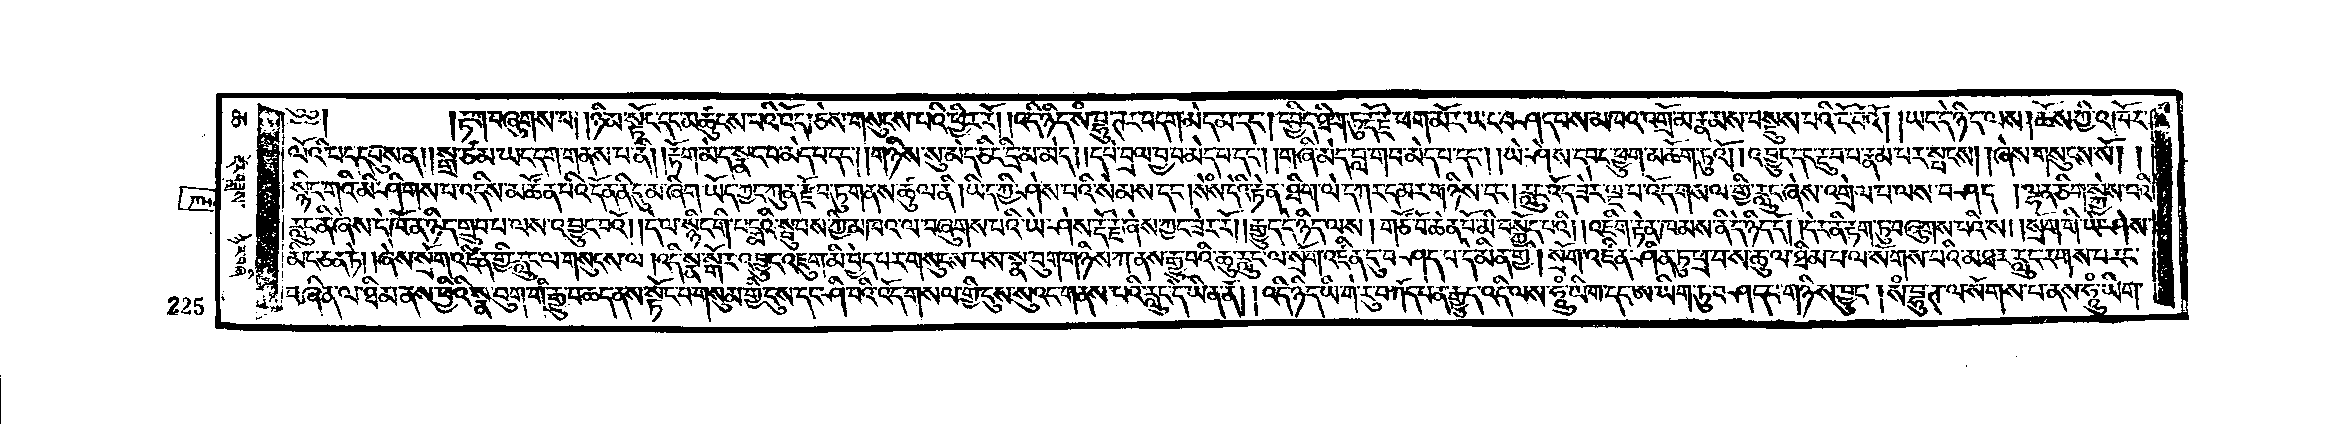༄༅། །རྟག་བཞུགས་པ། །ཉི་མ་སྟོང་དང་མཚུངས་པའི་འོད། ཅེས་གསུངས་པའི་ཕྱིར་རོ། །འདི་ཉིད་སཾ་བྷུ་ཊར་བདག་མེད་མ་དང་། དཔྱིད་ཐིག་ཏུ་རྡོ་རྗེ་ཕག་མོར་ཡང་བཤད་པས་མཁའ་འགྲོ་མ་རྣམས་བསྡུས་པའི་ངོ་བོའོ། །ཡང་དེ་ཉིད་ལས། ཆོས་ཀྱི་འཁོར་
ལོའི་པད་དབུས་ན། །སྒྲ་ཙམ་ཡང་དག་གནས་པ་ནི། །རྟོག་མེད་སྣང་བ་མེད་པ་དང་། །གཉིས་སུ་མེད་ཅིང་དྲི་མ་མེད། །དཔེ་བྲལ་བྱ་བ་མེད་པ་དང་། །གཞི་མེད་བླ་གབ་མེད་པ་དང་། །ཡེ་ཤེས་དབང་ཕྱུག་མཆོག་ཏུའོ། །འབྱུང་དང་རྡུབ་པ་རྣམ་པར་སྤངས། །ཞེས་གསུངས་སོ། །
སྙིང་གའི་མི་ཤིགས་པ་འདིས་མཚོན་པའི་དོན་ནི་དུ་མ་ཞིག་ཡོད་ཀྱང་ཀུན་རྫོབ་ཏུ་གནས་ཚུལ་ནི། ཡིད་ཀྱི་ཤེས་པའི་སེམས་དང་། སེམས་དེའི་རྟེན་ཐིག་ལེ་དཀར་དམར་གཉིས་དང་། རླུང་འོད་ཟེར་ལྔ་པ་འོད་གསལ་གྱི་རླུང་ཞེས་འགྲེལ་པ་ལས་བཤད། ལྷན་ཅིག་སྐྱེས་པའི་
རླུང་ནི་ཞེས་དེ་ཁོ་ན་ཉིད་གྲུབ་པ་ལས་འབྱུང་བའོ། །དེ་ལ་སྙིང་གི་པདམའི་སྦུབས་ཀྱི་མཁའ་ལ་བཞུགས་པའི་ཡེ་ཤེས་རྡོ་རྗེ་ཞེས་ཀྱང་ཟེར་རོ། །རྒྱུད་དེ་ཉིད་ལས། གཙོ་བོ་ཆེན་པོ་མི་བསྐྱོད་པའི། །འཇིག་རྟེན་ཁམས་ནི་དེ་ཉིད་དོ། །དེར་ནི་རྟག་ཏུ་བཞུགས་པའི་ས། །སྲོག་གི་ཡེ་ཤེས་
མིང་ཅན་ཏེ། །ཞེས་སྲོག་འཛིན་གྱི་རླུང་ལ་གསུངས་ལ། འདི་སྣ་སྒོར་འབྱུང་འཇུག་མི་བྱེད་པར་གསུངས་པས་སྣ་བུག་གཉིས་ཀ་ནས་རྒྱུ་བའི་ཆུ་རླུང་ལ་སྲོག་འཛིན་དུ་བཤད་པ་དེ་མིན་གྱི། སྲོག་འཛིན་ཤིན་ཏུ་ཕྲ་བ་ས་ཆུ་ལ་ཐིམ་པ་ལ་སོགས་པའི་མཐར་རླུང་རགས་པ་རང་
བཞིན་ལ་ཐིམ་ནས་ཕྱིའི་སྣ་བུག་གི་རྒྱུ་བ་ཆད་ནས་སྟོང་པ་གསུམ་གྱི་དུས་དང་ཤི་བའི་འོད་གསལ་གྱི་དུས་སུའང་གནས་པའི་རླུང་དེ་ཡིན་ནོ། །འདི་ཉིད་ཡི་གེ་རུ་བཀོད་པ་ན་རྒྱུད་འདི་ལས་ཧཱུཾ་ཡིག་དང་ཨ་ཡིག་ཏུ་བཤད་པ་གཉིས་བྱུང་། སཾ་བྷུ་ཊ་ལ་སོགས་པ་ནས་ཧཱུཾ་ཡིག་